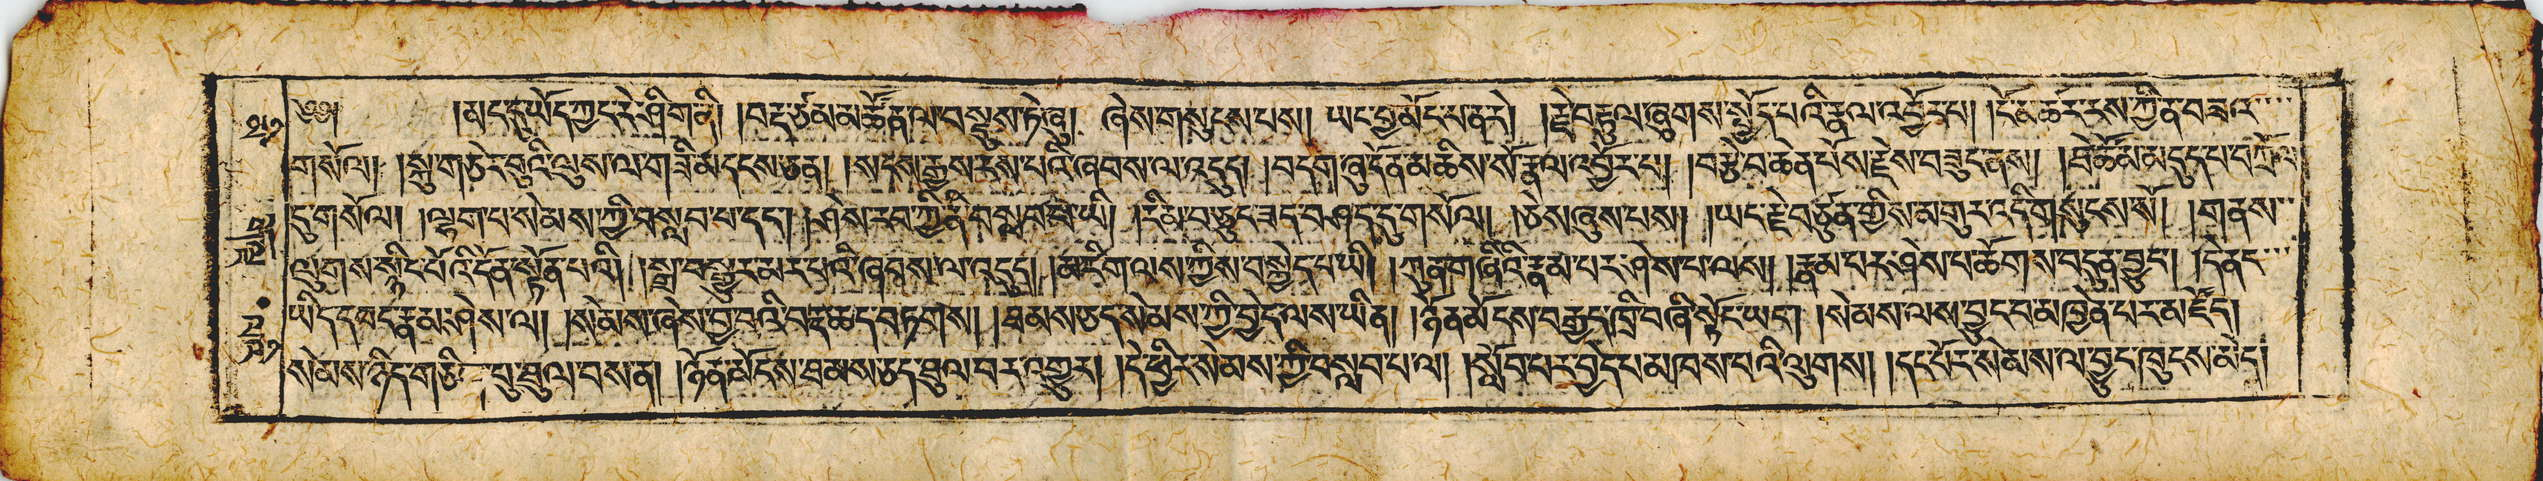མང་དུ་ཡོད་ཀྱང་རེ་ཤིག་ནི། །བརྡ་ཙམ་མཚོན་ལ་བསྡུས་ཏེ་ཞུ། ཞེས་གསུངས་པས། ཡང་བྱ་མོང་པ་ན་རེ། །རྗེ་བརྟུལ་ཞུགས་སྤྱོད་པའི་རྣལ་འབྱོར་པ། །ངོ་མཚར་རས་ཀྱི་ན་བཟའ་
གསོལ། །སྐུ་གཅེར་བུའི་ལུས་ལ་གཟི་མདངས་ཅན། །སངས་རྒྱས་རས་པའི་ཞབས་ལ་འདུད། །བདག་ཞུ་དོན་མཆིས་སོ་རྣལ་འབྱོར་པ། །བརྩེ་བ་ཆེན་པོས་རྗེས་བཟུང་ནས། །ཐེ་ཚོམ་མདུད་པ་བཀྲོལ་
དུ་གསོལ། །ལྷག་པ་སེམས་ཀྱི་བསླབ་པ་དང་། །ཤེས་རབ་ཀྱི་ནི་བསླབ་པ་ཡི། །རིམ་པ་ཅུང་ཟད་བཤད་དུ་གསོལ། །ཅེས་ཞུས་པས། །ཡང་རྗེ་བཙུན་གྱིས་མགུར་འདི་གསུངས་སོ། །གནས་
ལུགས་སྙིང་པོའི་དོན་སྟོན་པའི། །སྒྲ་སྒྱུར་མར་པའི་ཞབས་ལ་འདུད། །མ་རིག་ལས་ཀྱིས་བསྐྱེད་པ་ཡི། །ཀུན་གཞིའི་རྣམ་པར་ཤེས་པ་ལས། །རྣམ་པར་ཤེས་པ་ཆོགས་བདུན་བྱུང་། །དེ་ནང་
ཡིད་དབང་རྣམ་ཤེས་ལ། །སེམས་ཞེས་བྱ་བའི་བརྡ་ཚད་བཏགས། །ཐམས་ཅད་སེམས་ཀྱི་བྱེད་ལས་ཡིན། །ཉོན་མོངས་བརྒྱད་ཁྲི་བཞི་སྟོང་ཡང། །སེམས་ལས་བྱུང་བ་མཁྱེན་པར་མཛོད། །
སེམས་ཉིད་གཅིག་པུ་ཐུལ་བས་ན། །ཉོན་མོངས་ཐམས་ཅད་ཐུལ་བར་འགྱུར། །དེ་ཕྱིར་སེམས་ཀྱི་བསླབ་པ་ལ། །སློབ་པར་བྱེདཔ་མཁས་པའི་ལུགས། །དང་པོར་སེམས་ལ་བྱུང་ཁུངས་མེད། །